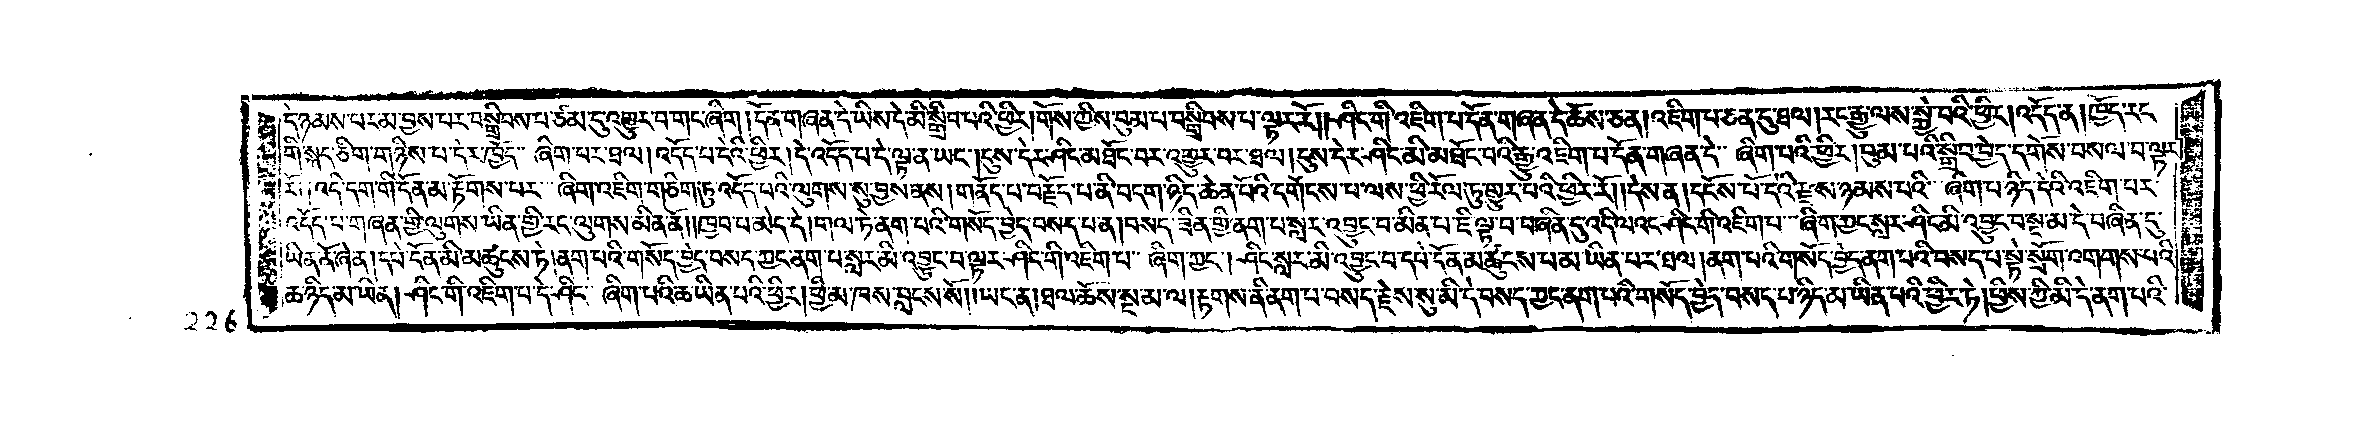དེ་ཉམས་པར་མ་བྱས་པར་བསྒྲིབས་པ་ཙམ་དུ་འགྱུར་བ་གང་ཞིག །དོན་གཞན་དེ་ཡིས་དེ་མི་སྒྲིབ་པའི་ཕྱིར། གོས་ཀྱིས་བུམ་པ་བསྒྲིབས་པ་ལྟར་རོ། །ཤིང་གི་འཇིག་པ་དོན་གཞན་དེ་ཆོས་ཅན། འཇིག་པ་ཅན་དུ་ཐལ། རང་རྒྱུ་ལས་སྐྱེ་བའི་ཕྱིར། འདོད་ན། ཁྱོད་རང་
གི་སྐད་ཅིག་གཉིས་པ་དེར་ཁྱོད་ཞིག་པར་ཐལ། འདོད་པ་དེའི་ཕྱིར། དེ་འདོད་པ་དེ་ལྟ་ན་ཡང་། དུས་དེར་ཤིང་མཐོང་བར་འགྱུར་བར་ཐལ། དུས་དེར་ཤིང་མི་མཐོང་བའི་རྒྱུ་འཇིག་པ་དོན་གཞན་དེ་ཞིག་པའི་ཕྱིར། བུམ་པའི་སྒྲིབ་བྱེད་དགོས་བསལ་བ་ལྟར་
རོ། །འདི་དག་གི་དོན་མ་རྟོགས་པར་ཞིག་འཇིག་གཅིག་ཏུ་འདོད་པའི་ལུགས་སུ་བྱས་ནས། གནོད་པ་བརྗོད་པ་ནི་བདག་ཉིད་ཆེན་པོའི་དགོངས་པ་ལས་ཕྱི་རོལ་ཏུ་གྱུར་པའི་ཕྱིར་རོ། །དེས་ན། དངོས་པོ་དེའི་རྫས་ཉམས་པའི་ཞིག་པ་ཉིད་དེའི་འཇིག་པར་
འདོད་པ་གཞན་གྱི་ལུགས་ཡིན་གྱི་རང་ལུགས་མིན་ནོ། །ཁྱབ་པ་མེད་དེ། གལ་ཏེ་ནག་པའི་གསོད་བྱེད་བསད་པ་ན། བསད་ཟིན་གྱི་ནག་པ་སླར་འབྱུང་བ་མིན་པ་ཇི་ལྟ་བ་བཞིན་དུ་འདི་ལའང་ཤིང་གི་འཇིག་པ་ཞིག་ཀྱང་སླར་ཤིང་མི་འབྱུང་བ་སྔ་མ་དེ་བཞིན་དུ་
ཡིན་ནོ་ཞེ་ན། དཔེ་དོན་མི་མཚུངས་ཏེ། ནག་པའི་གསོད་བྱེད་བསད་ཀྱང་ནག་པ་སླར་མི་འབྱུང་བ་ལྟར་ཤིང་གི་འཇིག་པ་ཞིག་ཀྱང་། ཤིང་སླར་མི་འབྱུང་བ་དཔེ་དོན་མཚུངས་པ་མ་ཡིན་པར་ཐལ། ནག་པའི་གསོད་བྱེད་ནག་པའི་བསད་པ་སྟེ་སྲོག་འགགས་པའི་
ཆ་ཉིད་མ་ཡིན། ཤིང་གི་འཇིག་པ་དེ་ཤིང་ཞིག་པའི་ཆ་ཡིན་པའི་ཕྱིར། ཕྱི་མ་ཁས་བླངས་སོ། །ཡང་ན། ཐལ་ཆོས་སྔ་མ་ལ། རྟགས་ནི་ནག་པ་བསད་རྗེས་སུ་མི་དེ་བསད་ཀྱང་ནག་པའི་གསོད་བྱེད་བསད་པ་ཉིད་མ་ཡིན་པའི་ཕྱིར་ཏེ། ཕྱིས་ཀྱི་མི་དེ་ནག་པའི་